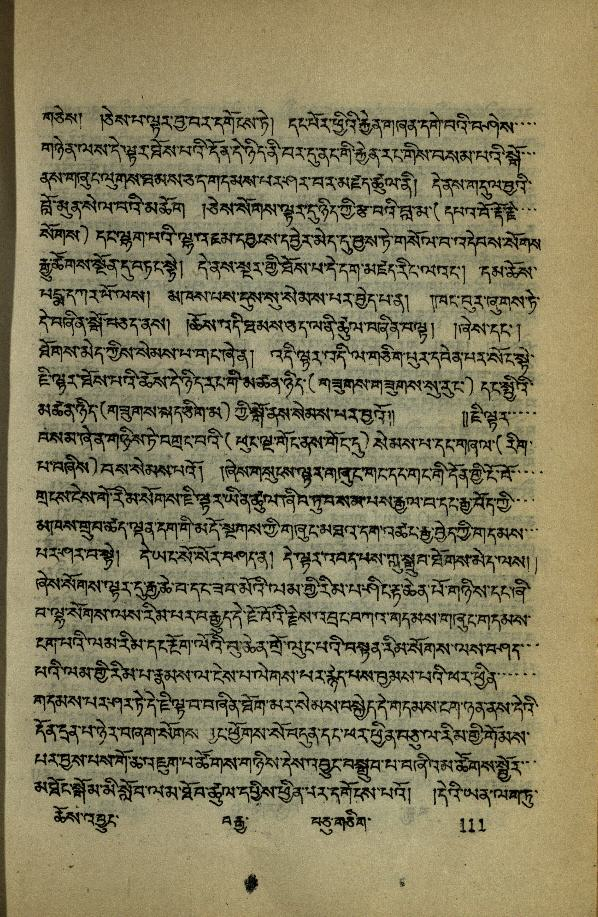གཅེས། །ཅེས་པ་ལྟར་བྱ་བར་དགོངས་ཏེ། དང་པོར་ཕྱིའི་རྐྱེན་གཞན་དགེ་བའི་བཤེས་
གཉེན་ལས་དེ་ལྟར་ཐོས་པའི་དོན་དེ་ཉིད་ནི་བར་དུ་ནང་གི་རྐྱེན་རང་གིས་བསམ་པའི་སྒོ་
ནས་གཞུང་ལུགས་ཐམས་ཅད་གདམས་པར་ཤར་བར་མཛད་ཚུལ་ནི། དེ་ནས་གདུལ་བྱའི་
བློ་མུན་སེལ་བའི་མཆོག །ཅེས་སོགས་ལྟར་དུ་ཉིད་ཀྱི་རྩ་བའི་བླ་མ་དཔའ་བོ་རྡོ་རྗེ་
སོགས་དང་ལྷག་པའི་ལྷ་འཇམ་དབྱངས་དབྱེར་མེད་དུ་བྱས་ཏེ་གསོལ་བ་འདེབས་སོགས་
རྒྱུ་ཚོགས་སྔོན་དུ་བཏང་སྟེ། དེ་ནས་སྔར་གྱི་ཐོས་པ་དེ་དག་མཛད་རིང་ལའང་། དམ་ཆོས་
པདམ་དཀར་པོ་ལས། མཁས་པས་དུས་སུ་སེམས་པར་བྱེད་པ་ན། །ཁང་བུར་ཞུགས་ཏེ་
དེ་བཞིན་སྒོ་བཅད་ནས། །ཆོས་འདི་ཐམས་ཅད་ལ་ནི་ཚུལ་བཞིན་བ་ལྟ། །ཞེས་དང་།
ཐོགས་མེད་ཀྱིས་སེམས་པ་གང་ཞེ་ན། འདི་ལྟར་འདི་ལ་གཅིག་པུར་དབེན་པར་སོང་སྟེ་
ཇི་ལྟར་ཐོས་པའི་ཆོས་དེ་ཉིད་རང་གི་མཚན་ཉིད་གཟུགས་གཟུགས་སུ་རུང་དང་སྤྱིའི་
མཚན་ཉིད་གཟུགས་སྐད་ཅིག་མ་ཀྱི་སྒོ་ནས་སེམས་པར་བྱའོ།། །།ཇི་ལྟར་
བསམ་ཞེ་ན་གཉིས་ཏེ་བགྲང་བའི་ཕུང་ལྔ་གོང་ནས་གོང་དུ་སེམས་པ་དང་གཞལ་རིག་
པ་བཞིས་བས་སེམས་པའོ། །ཞེས་གསུངས་ལྟར་གཞུང་གང་དང་གང་གི་དོན་གྱི་ངོ་བོ་
གྲངས་ངེས་གོ་རིམ་སོགས་ཇི་ལྟར་ཡིན་ཚུལ་ཞིབ་ཏུ་བསམ་པས་རྒྱལ་བ་དང་རྒྱ་བོད་ཀྱི་
མཁས་གྲུབ་ཚད་ལྡན་དག་གི་མདོ་སྔགས་ཀྱི་གཞུང་མཐའ་དག་འཚང་རྒྱ་བྱེད་ཀྱི་གདམས་
པར་ཤར་བ་སྟེ། དེ་ཡང་སོ་སོར་བཤད་ན། དེ་ལྟར་འབད་པས་ཀླུ་སྒྲུབ་ཐོགས་མེད་ལས།
ཞེས་སོགས་ལྟར་དུ་རྒྱ་ཆེ་བ་དང་ཟབ་མོའི་ལམ་གྱི་རིམ་པ་ཤིང་རྟ་ཆེན་པོ་གཉིས་དང་ཞི་
བ་ལྷ་སོགས་ལས་རིམ་པར་བརྒྱུད་དེ་ཇོ་བོའི་རྗེས་འབྲང་བཀའ་གདམས་གཞུང་གདམས་
ངག་པའི་ལམ་རིམ་དང་རྔོག་ལོའི་བུ་ཆེན་གྲོ་ལུང་པའི་བསྟན་རིམ་སོགས་ལས་བཤད་
པའི་ལམ་གྱི་རིམ་པ་རྣམས་ལ་ངེས་པ་ལེགས་པར་རྙེད་པས་བྱམས་པའི་ཕར་ཕྱིན་
གདམས་པར་ཤར་ཏེ་དེ་ཇི་ལྟ་བ་བཞིན་ཐོག་མར་སེམས་བསྐྱེད་དེ་གདམས་ངག་ཉན་ནས་དེའི་
དོན་དྲན་པ་ཉེར་བཞག་སོགས་བྱང་ཕྱོགས་སོ་བདུན་དང་ཕར་ཕྱིན་བཅུ་ལ་རིམ་གྱི་གོམས་
པར་བྱས་པས་གོ་ཆ་འཇུག་པ་ཚོགས་གཉིས་དེས་འབྱུང་བསྒྲུབ་པ་བཞིའམ་ཚོགས་སྦྱོར་
མཐོང་སྒོམ་མི་སློབ་ལ་མ་ཐོབ་ཚུལ་དཔྱིས་ཕྱིན་པར་དགོངས་པའོ། །དེའི་ཡན་ལག་ཏུ་